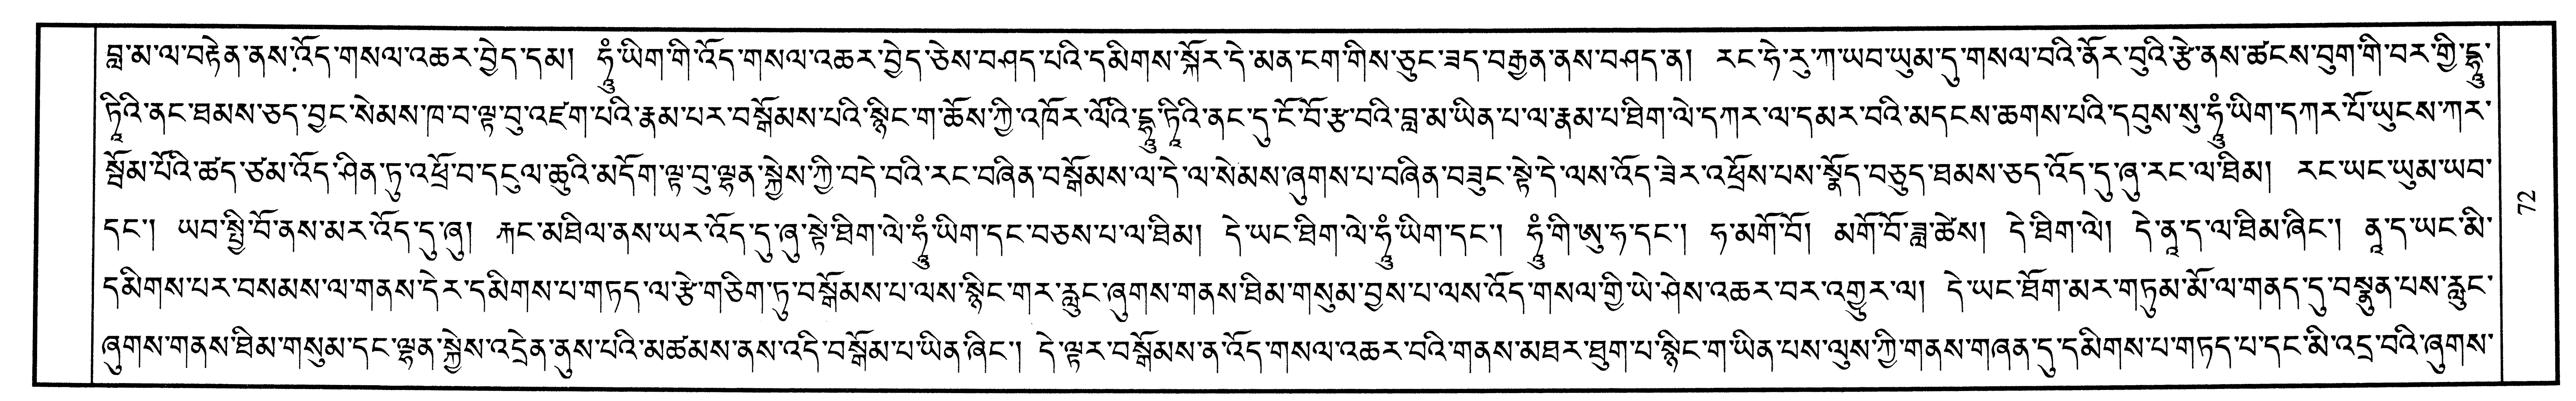བླ་མ་ལ་བརྟེན་ནས་འོད་གསལ་འཆར་བྱེད་དམ། ཧཱུཾ་ཡིག་གི་འོད་གསལ་འཆར་བྱེད་ཅེས་བཤད་པའི་དམིགས་སྐོར་དེ་མན་ངག་གིས་ཅུང་ཟད་བརྒྱན་ནས་བཤད་ན། རང་ཧེ་རུ་ཀ་ཡབ་ཡུམ་དུ་གསལ་བའི་ནོར་བུའི་རྩེ་ནས་ཚངས་བུག་གི་བར་གྱི་དྷཱུ་
ཏཱིའི་ནང་ཐམས་ཅད་བྱང་སེམས་ཁ་བ་ལྟ་བུ་འཛག་པའི་རྣམ་པར་བསྒོམས་པའི་སྙིང་ག་ཆོས་ཀྱི་འཁོར་ལོའི་དྷཱུ་ཏཱིའི་ནང་དུ་ངོ་བོ་རྩ་བའི་བླ་མ་ཡིན་པ་ལ་རྣམ་པ་ཐིག་ལེ་དཀར་ལ་དམར་བའི་མདངས་ཆགས་པའི་དབུས་སུ་ཧཱུཾ་ཡིག་དཀར་པོ་ཡུངས་ཀར་
སྦོམ་པོའི་ཚད་ཙམ་འོད་ཤིན་ཏུ་འཕྲོ་བ་དངུལ་ཆུའི་མདོག་ལྟ་བུ་ལྷན་སྐྱེས་ཀྱི་བདེ་བའི་རང་བཞིན་བསྒོམས་ལ་དེ་ལ་སེམས་ཞུགས་པ་བཞིན་བཟུང་སྟེ་དེ་ལས་འོད་ཟེར་འཕྲོས་པས་སྣོད་བཅུད་ཐམས་ཅད་འོད་དུ་ཞུ་རང་ལ་ཐིམ། རང་ཡང་ཡུམ་ཡབ་
དང་། ཡབ་སྤྱི་བོ་ནས་མར་འོད་དུ་ཞུ། རྐང་མཐིལ་ནས་ཡར་འོད་དུ་ཞུ་སྟེ་ཐིག་ལེ་ཧཱུཾ་ཡིག་དང་བཅས་པ་ལ་ཐིམ། དེ་ཡང་ཐིག་ལེ་ཧཱུཾ་ཡིག་དང་། ཧཱུཾ་གི་ཨུ་ཧ་དང་། ཧ་མགོ་བོ། མགོ་བོ་ཟླ་ཚེས། དེ་ཐིག་ལེ། དེ་ནཱ་ད་ལ་ཐིམ་ཞིང་། ནཱ་ད་ཡང་མི་
དམིགས་པར་བསམས་ལ་གནས་དེར་དམིགས་པ་གཏད་ལ་རྩེ་གཅིག་ཏུ་བསྒོམས་པ་ལས་སྙིང་གར་རླུང་ཞུགས་གནས་ཐིམ་གསུམ་བྱས་པ་ལས་འོད་གསལ་གྱི་ཡེ་ཤེས་འཆར་བར་འགྱུར་ལ། དེ་ཡང་ཐོག་མར་གཏུམ་མོ་ལ་གནད་དུ་བསྣུན་པས་རླུང་
ཞུགས་གནས་ཐིམ་གསུམ་དང་ལྷན་སྐྱེས་འདྲེན་ནུས་པའི་མཚམས་ནས་འདི་བསྒོམ་པ་ཡིན་ཞིང་། དེ་ལྟར་བསྒོམས་ན་འོད་གསལ་འཆར་བའི་གནས་མཐར་ཐུག་པ་སྙིང་ག་ཡིན་པས་ལུས་ཀྱི་གནས་གཞན་དུ་དམིགས་པ་གཏད་པ་དང་མི་འདྲ་བའི་ཞུགས་